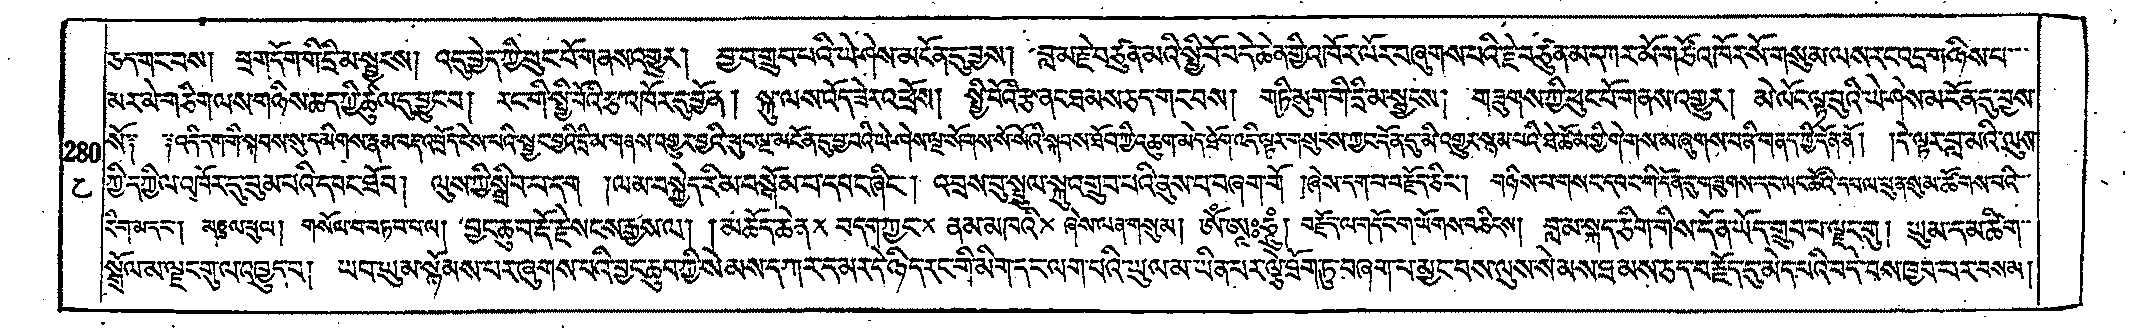ཅད་གང་བས། ཕྲག་དོག་གི་དྲི་མ་སྦྱངས། འདུ་བྱེད་ཀྱི་ཕུང་པོ་གནས་འགྱུར། བྱ་བ་གྲུབ་པའི་ཡེ་ཤེས་མངོན་དུ་བྱས། བལ་མ་རྗེ་བཙུན་མའི་སྤྱི་བོ་བདེ་ཆེན་གྱི་འཁོར་ལོར་བཞུགས་པའི་རྗེ་བཙུན་མ་དཀར་མོ་གཙོ་འཁོར་སོ་གསུམ་ལས་རང་འདྲ་གཉིས་པ་་་
མར་མེ་གཅིག་ལས་གཉིས་ཆད་ཀྱི་ཚུལ་དུ་བྱུང་བ། རང་གི་སྤྱི་བོའི་རྩ་འཁོར་དུ་བྱོན། སྐུ་ལས་འོད་ཟེར་འཕྲོས། སྤྱི་བོའི་རྩ་ནང་ཐམས་ཅད་གང་བས། གཏི་མུག་གི་དྲི་མ་སྦྱངས། གཟུགས་ཀྱི་ཕུང་པོ་གནས་འགྱུར། མེ་ལོང་ལྟ་བུའི་ཡེ་ཤེས་མངོན་དུ་བྱས་
སོ༑ ༑འདི་དག་གི་སྐབས་སུ་དམིགས་རྣམ་བརྡ་འཕྲོད་ངེས་པའི་སྦྱང་བྱའི་དྲི་མ་གནས་འགྱུར་བྱའི་ཕུང་ལྔ་མངོན་དུ་བྱ་བའི་ཡེ་ཤེས་ལྔ་སོགས་སོ་སོའི་སྐབས་ཐོབ་ཀྱི་འཆུག་མེད་ཐོག་འདི་ལྟར་གསུངས་ཀྱང་དོན་དུ་མི་འགྱུར་སྙམ་པའི་ཐེ་ཚོམ་གྱི་གེགས་མ་ཞུགས་པ་ནི་གནད་ཀྱི་དོན་ནོ། །དེ་ལྟར་བླ་མའི་ལུས་
ཀྱི་དཀྱིལ་འཁོར་དུ་བུམ་པའི་དབང་ཐོབ། ལུས་ཀྱིས་གྲིབ་པ་དག །ལམ་བསྐྱེད་རིམ་བསྒོམ་པ་དབང་ཞིང་། འབྲས་བུ་སྤྲུལ་སྐུ་འགྲུབ་པའི་ནུས་པ་བཞག་གོ །ཞེས་དག་པ་བརྗོད་ཅིང་། གཉིས་པ་གསང་དབང་གི་དོན་དུ་གཟུགས་དང་ལང་ཚོའི་དཔལ་ཕུན་སུམ་ཚོགས་པའི་་་
རིག་མ་དང་། མཎྜལ་ཕུལ། གསོལ་བ་བཏབ་པ་ལ། བྱང་ཆུབ་རྡོ་རྗེ་སངས་རྒྱས་ལ། །མཆོད་ཆེན་྾་བདག་ཀྱང་྾་ནམ་མཁའི་྾་ཞེས་ལན་གསུམ།  ཨོཾ་ཨཱཿཧཱུཾ། བརྗོད་ལ་གདོང་གཡོགས་བཅིངས།  བླ་མ་སྐད་ཅིག་གིས་དོན་ཡོད་གྲུབ་པ་ལྗང་གུ། ཡུམ་དམ་ཚིག་་་
སྒྲོལ་མ་ལྗང་གུ་ལ་འཁྱུད་པ། ཡབ་ཡུམ་སྙོམས་པར་ཞུགས་པའི་བྱང་ཆུབ་ཀྱི་སེམས་དཀར་དམར་དེ་ཉིད་རང་གི་མིག་དང་ལག་པའི་ཡུལ་མ་ཡིན་པར་ལྕེ་ཐོག་ཏུ་བཞག་པ་མྱང་བས་ལུས་སེམས་ཐམས་ཅད་བརྗོད་དུ་མེད་པའི་བདེ་བས་ཁྱབ་པར་བསམ།